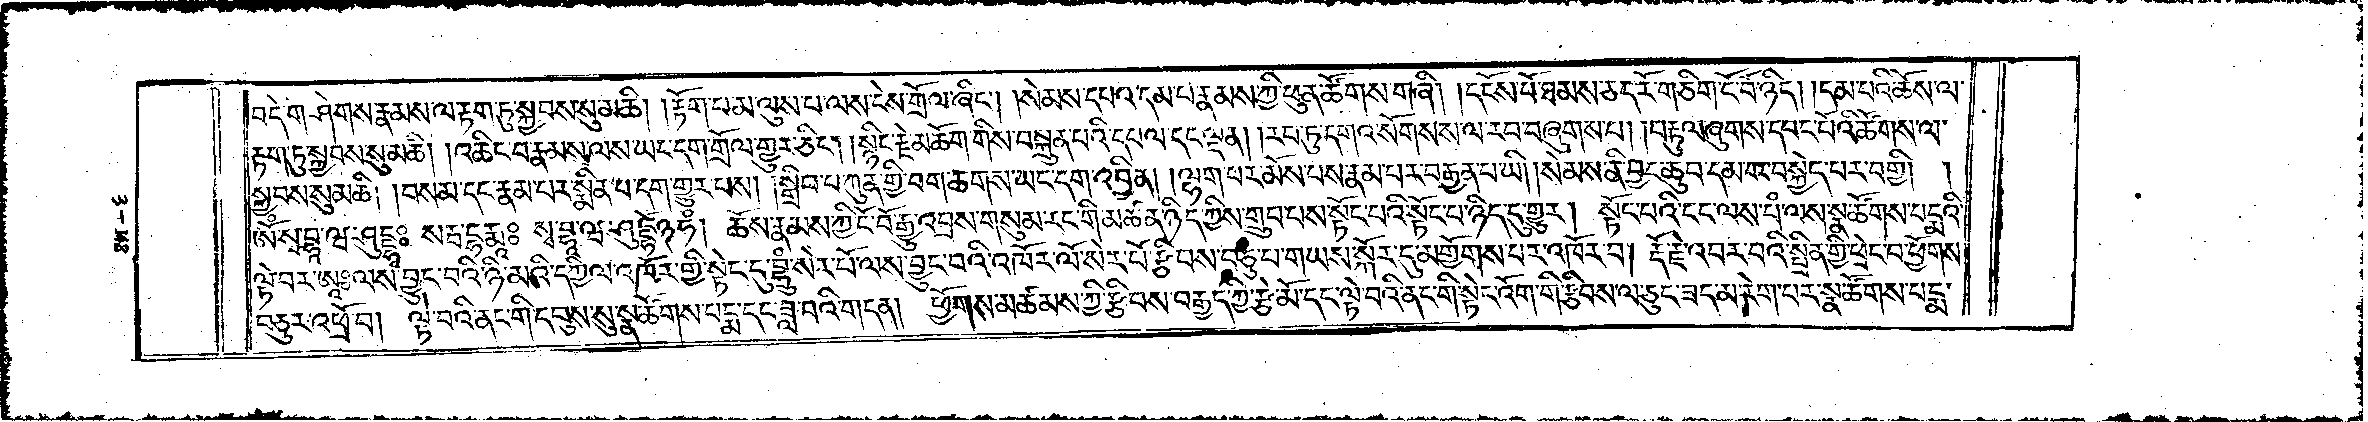བདེ་གཤེགས་རྣམས་ལ་རྟག་ཏུ་སྐྱབས་སུ་མཆི། །རྟོག་པ་མ་ལུས་པ་ལས་ངེས་གྲོལ་ཞིང་། །སེམས་དཔའ་དམ་པ་རྣམས་ཀྱི་ཕུན་ཚོགས་གཞི། །དངོས་པོ་ཐམས་ཅད་རོ་གཅིག་ངོ་བོ་ཉིད། །དམ་པའི་ཆོས་ལ་
རྟག་ཏུ་སྐྱབས་སུ་མཆི། །འཆིང་བ་རྣམས་ལས་ཡང་དག་གྲོལ་གྱུར་ཅིང་། །སྙིང་རྗེ་མཆོག་གིས་བསྐྲུན་པའི་དཔལ་དང་ལྡན། །རབ་ཏུ་དགའ་སོགས་ལ་རབ་བཞུགས་པ། །བརྟུལ་ཞུགས་དབང་པོའི་ཚོགས་ལ་
སྐྱབས་སུ་མཆི། །བསམ་དང་རྣམ་པར་སྨིན་པ་དག་གྱུར་པས། །སྒྲིབ་པ་ཀུན་གྱི་བག་ཆགས་ཡང་དག་འབྱིན། །ལྷག་པར་མོས་པས་རྣམ་པར་བརྒྱན་པ་ཡི། །སེམས་ནི་བྱང་ཆུབ་དམ་པར་བསྐྱེད་པར་བགྱི། །
ཨོཾ་སྭ་བྷཱ་ཝ་ཤུདྡྷཱཿ སརྦ་དྷརྨཱཿ སྭ་བྷཱ་ཝ་ཤུདྡྷོཉཧཾ། ཆོས་རྣམས་ཀྱི་ངོ་བོ་རྒྱུ་འབྲས་གསུམ་རང་གི་མཚན་ཉིད་ཀྱིས་གྲུབ་པས་སྟོང་པའི་སྟོང་པ་ཉིད་དུ་གྱུར། སྟོང་པའི་ངང་ལས་པཾ་ལས་སྣ་ཚོགས་པདམའི་
ལྟེ་བར་ཨཱཿ ལས་བྱུང་བའི་ཉི་མའི་དཀྱིལ་འཁོར་གྱི་སྟེང་དུ་བྷྲཱུཾ་སེར་པོ་ལས་བྱུང་བའི་འཁོར་ལོ་སེར་པོ་རྩིབས་བཅུ་པ་གཡས་སྐོར་དུ་མགྱོགས་པར་འཁོར་བ། རྡོ་རྗེ་འབར་བའི་སྤྲིན་གྱི་ཕྲེང་བ་ཕྱོགས་
བཅུར་འཕྲོ་བ། ལྟེ་བའི་ནང་གི་དབུས་སུ་སྣ་ཚོགས་པདམ་དང་ཟླ་བའི་གདན། ཕྱོགས་མཚམས་ཀྱི་རྩིབས་བརྒྱད་ཀྱི་རྩེ་མོ་དང་ལྟེ་བའི་ནང་གི་སྟེང་འོག་གི་རྩིབས་ལ་ཅུང་ཟད་མ་རེག་པར་སྣ་ཚོགས་པདམ་